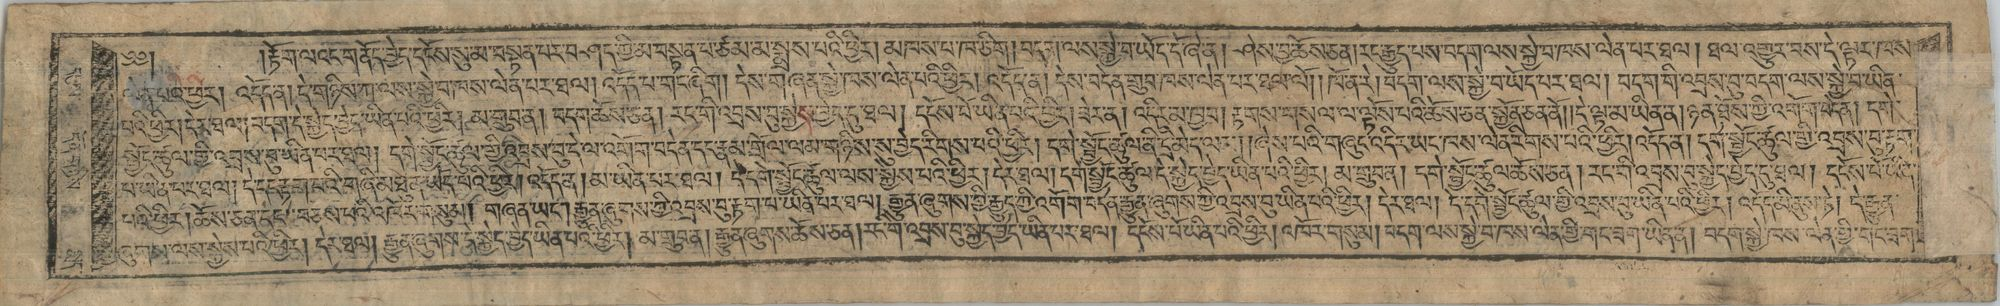༄༅། །རྟོག་ལའང་གནོད་བྱེད་དངོས་སུ་མ་བསྟན་པར་བཤད་ཀྱི་མ་བསྟན་པ་ཙམ་མ་སྨྲས་པའི་ཕྱིར། མཁས་པ་ཁ་ཅིག ། བདག་ལས་སྐྱེ་བ་ཡོད་དོ་ཞེ་ན། ཤེས་བྱ་ཆོས་ཅན། རང་རྒྱུད་པས་བདག་ལས་སྐྱེ་བ་ཁས་ལེན་པར་ཐལ། ཐལ་འགྱུར་བས་དེ་ལྟར་ཁས་
ལེན་པའི་ཕྱིར། འདོད་ན། དེ་གཉིས་ཀ་ལས་སྐྱེ་བ་ཁས་ལེན་པར་ཐལ། འདོད་པ་གང་ཞིག ། དེས་གཞན་སྐྱེ་ཁས་ལེན་པའི་ཕྱིར། འདོད་ན། དེས་བདེན་གྲུབ་ཁས་ལེན་པར་ཐལ་ལོ། །ཁོ་ན་རེ། བདག་ལས་སྐྱེ་བ་ཡོད་པར་ཐལ། བདག་གི་འབྲས་བུ་བདག་ལས་སྐྱེ་བ་ཡིན་
པའི་ཕྱིར། དེར་ཐལ། བདག་དེ་སྐྱེད་བྱེད་ཡིན་པའི་ཕྱིར། མ་གྲུབ་ན། བདག་ཆོས་ཅན། རང་གི་འབྲས་བུ་སྐྱེད་བྱེད་དུ་ཐལ། དངོས་པོ་ཡིན་པའི་ཕྱིར། ཟེར་ན། འདིར་མ་ཁྱབ། རྟགས་གསལ་ལ་ལྟོས་པའི་ཆོས་ཅན་སྐྱོན་ཅན་ནོ། །དེ་ལྟ་མ་ཡིན་ན། ཉན་ཐོས་ཀྱི་འགོག་བདེན། དགེ་
སྦྱོང་ཚུལ་གྱི་འབྲས་བུ་ཡིན་པར་ཐལ། དགེ་སྦྱོང་ཚུལ་གྱི་འབྲས་བུ་དེ་ལ་འགོག་བདེན་དང་རྣམ་གྲོལ་ལམ་གཉིས་སུ་བྱེད་རིགས་པའི་ཕྱིར། དགེ་སྦྱོང་ཚུལ་ནི་དྲི་མེད་ལམ། །ཞེས་པའི་གཞུང་འདིར་ཡང་ཁས་ལེན་རིགས་པའི་ཕྱིར། འདོད་ན། དགེ་སྦྱོང་ཚུལ་གྱི་འབྲས་བུ་རྟག་
པ་ཡིན་པར་ཐལ། དེ་དང་རྟག་པའི་གཞི་མཐུན་ཡོད་པའི་ཕྱིར། འདོད་ན། མ་ཡིན་པར་ཐལ། དེ་དགེ་སྦྱོང་ཚུལ་ལས་སྐྱེས་པའི་ཕྱིར། དེར་ཐལ། དགེ་སྦྱོང་ཚུལ་དེ་སྐྱེད་བྱེད་ཡིན་པའི་ཕྱིར། མ་གྲུབ་ན། དགེ་སྦྱོང་ཚུལ་ཆོས་ཅན། རང་གི་འབྲས་བུ་སྐྱེད་བྱེད་དུ་ཐལ། དངོས་པོ་ཡིན་
པའི་ཕྱིར། ཆོས་ཅན་དང་བཅས་པའི་འཁོར་གསུམ། གཞན་ཡང་། རྒྱུན་ཞུགས་ཀྱི་འབྲས་བུ་རྟག་པ་ཡིན་པར་ཐལ། རྒྱུན་ཞུགས་ཀྱི་རྒྱུད་གྱི་འགོག་བདེན་རྒྱུན་ཞུགས་ཀྱི་འབྲས་བུ་ཡིན་པའི་ཕྱིར། དེར་ཐལ། དེ་དགེ་སྦྱོང་ཚུལ་གྱི་འབྲས་བུ་ཡིན་པའི་ཕྱིར། འདོད་མི་ནུས་ཏེ། དེ་རྒྱུན་
ཞུགས་ལས་སྐྱེས་པའི་ཕྱིར། དེར་ཐལ། རྒྱུན་ཞུགས་དེ་སྐྱེད་བྱེད་ཡིན་པའི་ཕྱིར། མ་གྲུབ་ན། རྒྱུན་ཞུགས་ཆོས་ཅན། རང་གི་འབྲས་བུ་སྐྱེད་བྱེད་ཡིན་པར་ཐལ། དངོས་པོ་ཡིན་པའི་ཕྱིར། འཁོར་གསུམ། བདག་ལས་སྐྱེ་བ་ཁས་ལེན་གྱི་གང་ཟག་ཡིན་ན། བདག་སྐྱེ་ཁས་ལེན་གྱི་གང་ཟག་